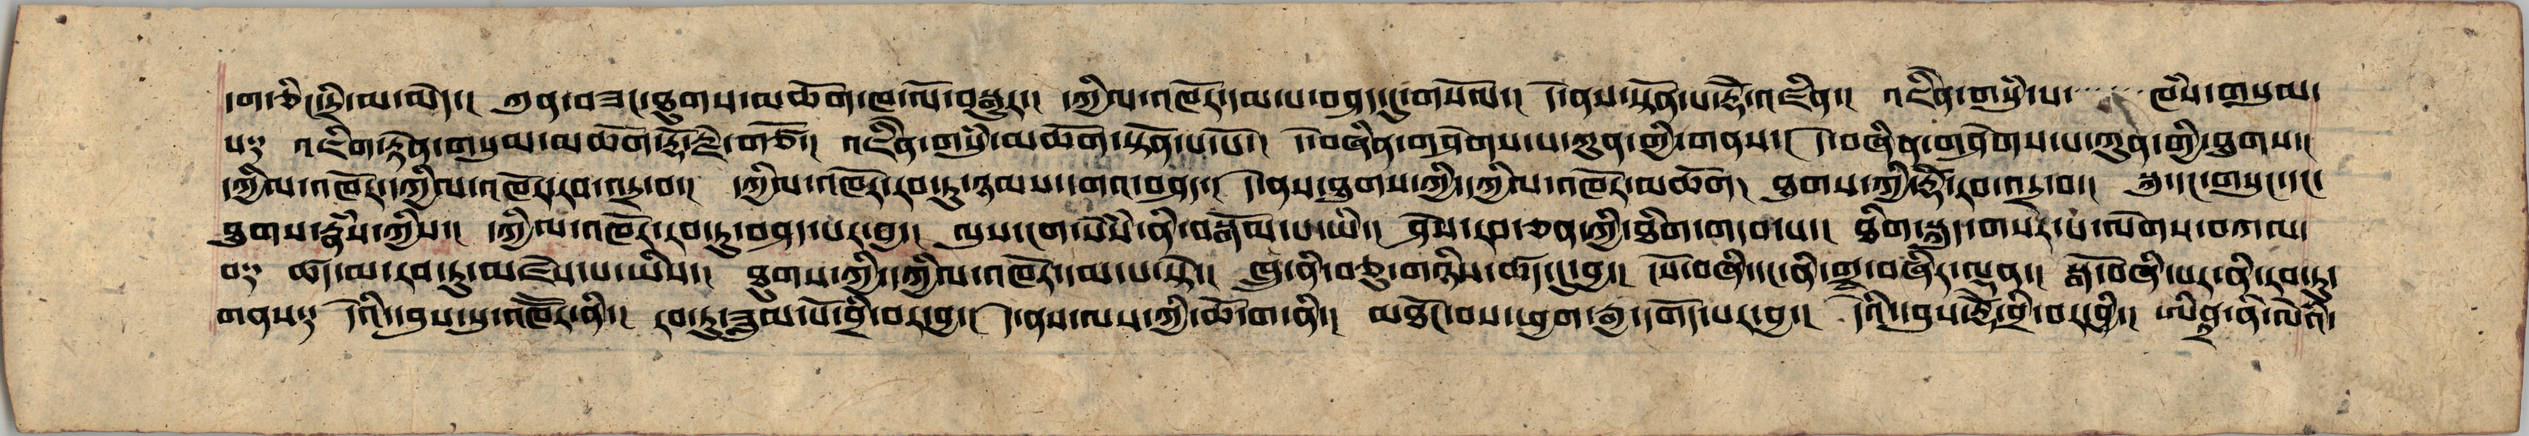དག་ཅིང་དྲི་མ་མེད་། ཀུན་བཟང་ཐུགས་མཆོག་ཁ་ལོ་བསྒྱུར་། དཀྱིལ་འཁོར་དམ་པ་བཤད་དུ་གསོལ་། དེ་ནས་སྟོན་པ་རྡོེ་འཛིན་། འཇིནི་གསུཾ་པ་་་་་་་ཁཾས་གསུམ་
པ༑ འཇིག་རྟེན་གསུམ་མཆོག་རྡོ་རྗེ་གཙོ་། འཛིནེ་གསུཾ་མཆོག་སྟོན་པ་པོ་། དེ་བཞིན་གཤེགས་པ་ཀུན་གྱི་གནས་། དེ་བཞིན་གཤེགས་པ་ཀུན་གྱི་ཐུགས་།
དཀྱིལ་འཁོར་དཀྱིལ་འཁོར་རབ་འདྲ་བ་། དཀྱིལ་འཁོར་རབ་ཏུ་ཉམས་དགའ་བཤད་། དེ་ནས་ཐུགས་ཀྱི་དཀྱིལ་འཁོར་མཆོག། ཐུགས་ཀྱི་རྡོེ་རབ་འདྲ་བ་། སྐུ་དང་གསུང་དང་
ཐུགས་རྣཾས་ཀྱིས་། དཀྱིལ་འཁོར་རབ་ཏུ་བཤད་པར་བྱ་། ལུས་ངག་སེཾས་ནི་བསྒོམ་པ་ཡི་། ཤེས་རབ་ཅན་གྱི་ཐིག་གདབ་པ་། ཐིག་སྐུད་གསར་པ་ལེགས་བཀལ་
བ༑ ཚད་མ་རབ་ཏུ་མཛེས་པ་ཡིས་། ཐུགས་ཀྱི་དཀྱིལ་འཁོར་དམ་པ་སྟེ་། ཁྲུ་ནི་བཅུ་གཉིས་ཚད་དུ་བྱ་། ངོས་བཞི་དང་ནི་གྲྭ་བཞིར་ལྡན་། སྒོ་བཞི་པར་ནི་རབ་ཏུ་
གནས༑ དེའི་དབུས་སུ་འཁཽར་ནི་། རབ་ཏུ་ཟླུམ་པོ་བྲི་བར་བྱ་། དེ་ནས་ལས་ཀྱི་ཆོ་ག་ནི་། མཐོང་བས་ཕྱག་རྒྱ་དགོད་པར་བྱ་། དེའི་དབུས་རྡོེ་བྲི་བར་བྱི་། ཨིནྟྲ་ནི་ལེའི་